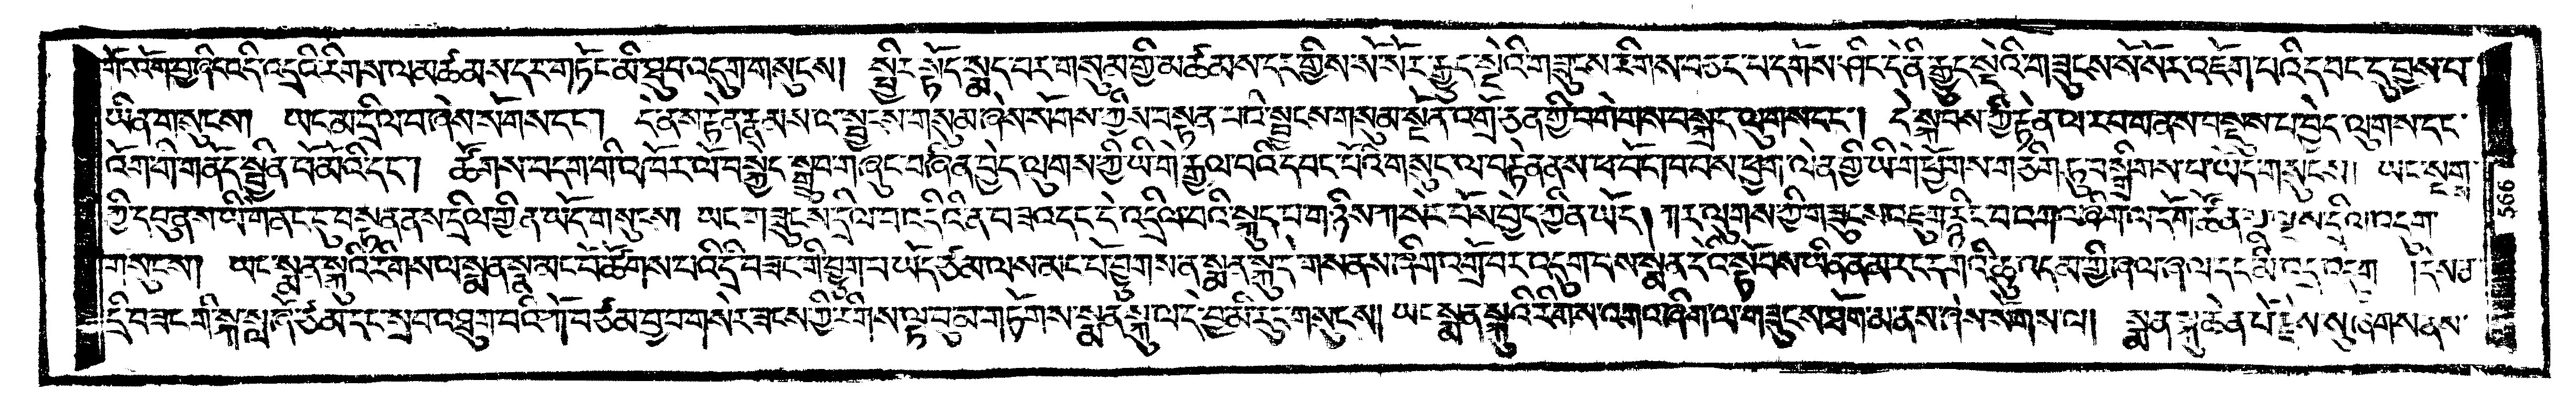གོང་འོག་བྱ་ཞིང་འདི་འདྲའི་རིགས་ལ་མཚམས་དར་གཏོང་མི་ཐུབ་འདུག་གསུངས། སྤྱིར་སྟོད་སྨད་པར་གསུམ་གྱི་མཚམས་དང་གྱིས་སོ་སོར་རྒྱུད་སྡེའི་གཟུངས་རིགས་བཅད་པ་དགོས་ཤིང་དེ་ནི་རྒྱུད་སྡེའི་གཟུངས་སོ་སོར་འཇོག་པའི་དབང་དུ་བྱས་པ་
ཡིན་གསུངས། ཡང་མ་དྲིལ་བ་ཞེས་སོགས་དང་། དེ་ནས་རྟེན་རྣམས་ལ་སྦྱངས་གསུམ་ཞེས་སོགས་ཀྱིས་བསྟན་པའི་སྦྱངས་གསུམ་སྔོན་འགྲོ་ཅན་གྱི་བགེགས་བསྐྲད་ལུགས་དང་། དེ་སྐབས་ཀྱི་རྟེན་ལ་རབ་གནས་བསྡུས་པ་བྱེད་ལུགས་དང་
འོག་གི་གནོད་སྦྱིན་པོ་མོའི་དང་། ཚོགས་བདག་གི་འཁོར་ལོ་བསྐྱེད་སྒྲུབ་གཞུང་བཞིན་བྱེད་ལུགས་ཀྱི་ཡི་གེ་རྒྱལ་བའི་དབང་པོའི་གསུངས་ལ་བརྟེན་ནས་ཕ་བོང་ཁ་བས་ཕྱག་ལེན་གྱི་ཡི་གེ་ཕྱོགས་གཅིག་ཏུ་བསྒྲིབས་པ་ལ་དེ་གསུངས། ཡང་སྔགས་
ཀྱི་དབུ་ནས་ཡིན་ནང་དུ་བསྟན་ནས་དྲིལ་གྱིན་ཡོད་གསུངས། ཡན་གཟུངས་དྲིལ་བ་འདིའི་ན་བཟའ་དང་དེ་འདྲིལ་བའི་སྐུད་བ་གཉིས་ཀ་སེར་བོས་བྱེད་ཀྱིན་ཡོད། ཀར་ལུགས་ཀྱི་གཟུངས་འཇུག་རྙིང་བ་བཀའ་ཞིག་ལ་དོག་ཚོན་སྣ་ལྔས་དྲིལ་བདག་
གསུངས། ཡང་སྨན་སྐུའི་རིགས་ལ་སྨན་སྣ་མང་པོ་ཚོགས་པའི་དྲི་བཟང་གི་བྱུག་པ་ཡོད་ཙམ་ལས་མང་པོ་བྱུགས་ན་སྨན་སྐུ་དེ་གས་ནས་ཞིག་འགྲོ་བར་འདུག་བས་སྨན་དེའི་སྟོབས་ཡིན་ནམ་རང་དགའི་ཆུ་འདམ་གྱི་ཞལ་ཞལ་དང་མི་འདྲ་འདུག །དེ་ན་
དྲི་བཟང་གི་སྐ་སླ་ཞོ་ཙམ་རང་སྲབ་འཐུབ་པའི་ཀོ་བཙམ་བྱ་བ་གསེར་ཟངས་ཀྱི་རིགས་ལྟ་བུམ་གཏོགས་སྨན་སྐུ་ལ་དེ་བྱ་མི་རུང་གསུངས། ཡང་སྨན་སྐུའི་རིགས་འགའ་ཞིག་ལ་གཟུངས་ཐོག་མ་ནས་ཞེས་སོགས་ལ། སྨན་སྐུ་ཆེན་པོ་རྗེས་ཞགས་ནས་